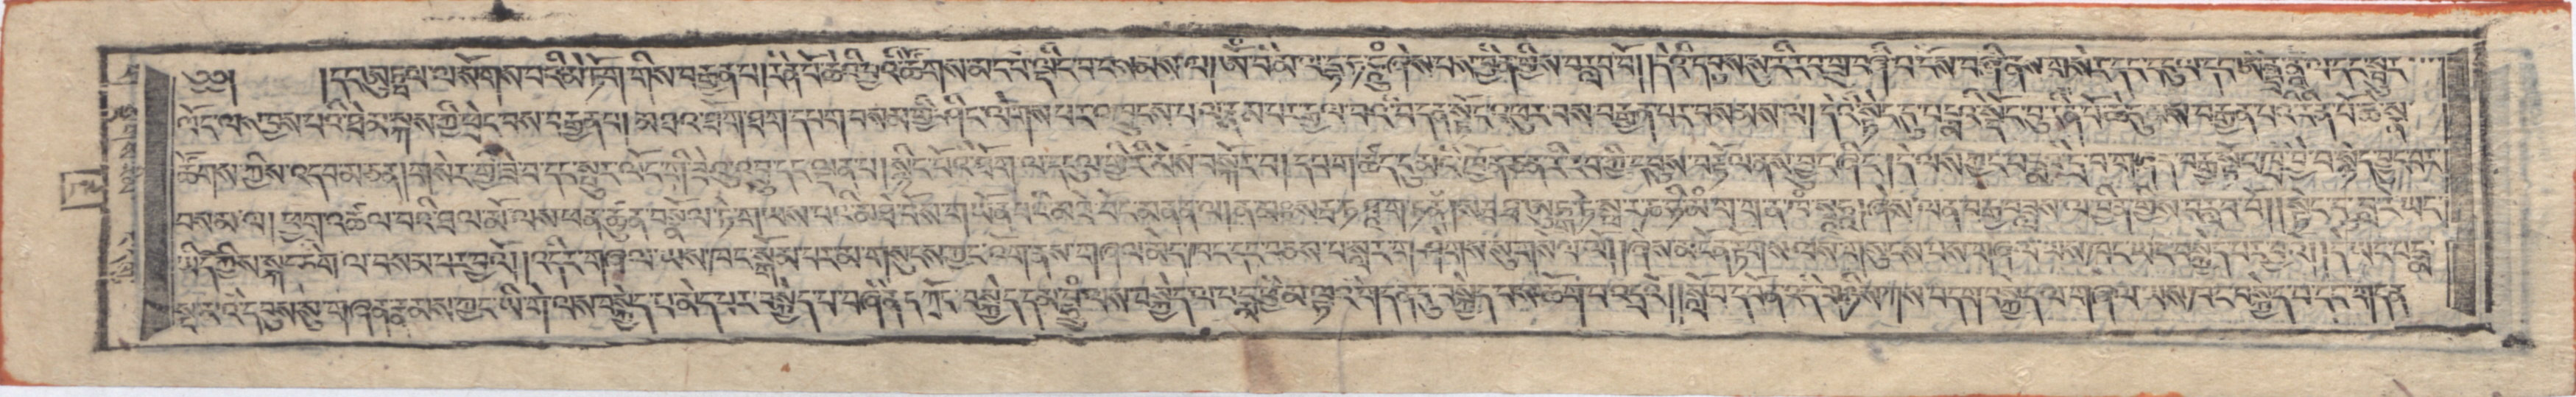༄༅། །དང་ཨུཏྤལ་ལ་སོགས་པའི་མེ་ཏོག་གིས་བརྒྱན་པ། རིན་པོ་ཆེའི་བྱའི་ཚོགས་མང་པོ་ལྡིང་བ་བསམས་ལ། ཨོཾ་བི་མ་ལ་དྷ་ཧ་ཧཱུཾ་ཞེས་པས་བྱིན་གྱིས་བརླབ་བོ། །དེའི་དབུས་སུ་རི་རབ་གྲུ་བཞི་པ་ངོས་བཞི་ནས་གསེར་དང་དངུལ་དང་ཨིནྡྲ་ནཱི་ལ་དང་སྦུར་
ལོང་ལས་བྱས་པའི་ཐེམ་སྐས་ཀྱི་ཕྲེང་བས་བརྒྱན་པ། མཐའ་ཐོག་ཐག་དཔག་བསམ་གྱི་ཤིང་ལེགས་པར་འཁྲུངས་པ་ལ་རྣམ་པར་རྒྱལ་བའི་བ་དན་སྟོང་འཕུར་བས་བརྒྱན་པར་བསམས་ལ། དེའི་སྟེང་དུ་པདམའི་སྡོང་བུ་རིན་པོ་ཆེ་དུ་མས་བརྒྱན་པའི་རིན་པོ་ཆེ་སྣ་
ཚོགས་ཀྱིས་འདབ་མ་ཅན། གསེར་གྱི་ཟེ་བ་དང་སྤུར་ལོང་གི་ཟེའུ་འབྲུ་དང་ལྡན་པ། སྙིང་པོའི་ཐོག་ལ་དངུལ་གྱི་རི་མོས་བསྐོར་བ། དཔག་ཚད་དུ་མའི་ཁྱོན་ཅན་རི་རབ་ཀྱི་དབུས་བརྟོལ་ནས་བྱུང་ཞིང་། དེ་ལས་ཀྱང་པདམའི་དྲ་བ་གཞན་བརྒྱ་སྟོང་ཁྲི་བྱེ་བ་སྙེད་བྱུང་བར་
བསམ་ལ། ཕྱག་འཚལ་བའི་ཐལ་མོ་ལས་ཕན་ཚུན་བསྣོལ་ཏེ་གཡས་པའི་མཐེ་བོས་གཡོན་པའི་མཐེ་བོང་མནན་ལ། ན་མཿ སརྦ་ཏ་ཐཱ་ག་ཏ་ནཾ། སརྦ་ཐ་ཨུཏྒ་ཏེ་སྥ་ར་ཎ་ཧི་མཾ་ག་ག་ན་ཁཾ་སྭཱཧཱ། ཞེས་ལན་བརྒྱ་བཟླས་ལ་བྱིན་གྱིས་བརླབ་བོ། །སྟེང་དུ་བླ་རེ་ཡང་
ཡིད་ཀྱིས་སྐད་ཅིག་ལ་བསམ་པར་བྱའོ། །འདིར་གཞལ་ཡས་ཁང་སྒོམ་པར་མ་གསུངས་ཀྱང་འོག་ནས་གཞལ་མེད་ཁང་དང་བཅས་པ་སླར་གཤེགས་སུ་གསོལ་ལོ། །ཞེས་མངོན་རྟོགས་ལས་གསུངས་པས་གཞལ་ཡས་ཁང་ཡང་བསྐྱེད་པར་བྱའོ། །དེ་ཡང་པདམ་
སྔ་མའི་དབུས་སུ་གཞན་རྣམས་ཀྱང་ཡི་གེ་ལས་བསྐྱེད་པ་མེད་པར་བསྐྱེད་པ་བཞིན་དཀྲོང་བསྐྱེད་དམ་བྷྲུཾ་ལས་བསྐྱེད་ལ་པདམ་ཕྱི་མ་ལྟའི་གདན་དུ་བསྐྱེད་པས་ཆོག་པ་འདྲའོ། །སློབ་དཔོན་འདི་གཉིས་ཀས་བདག་བསྐྱེད་ལ་གཞལ་ཡས་ཁང་བསྐྱེད་པ་དང་གདན་